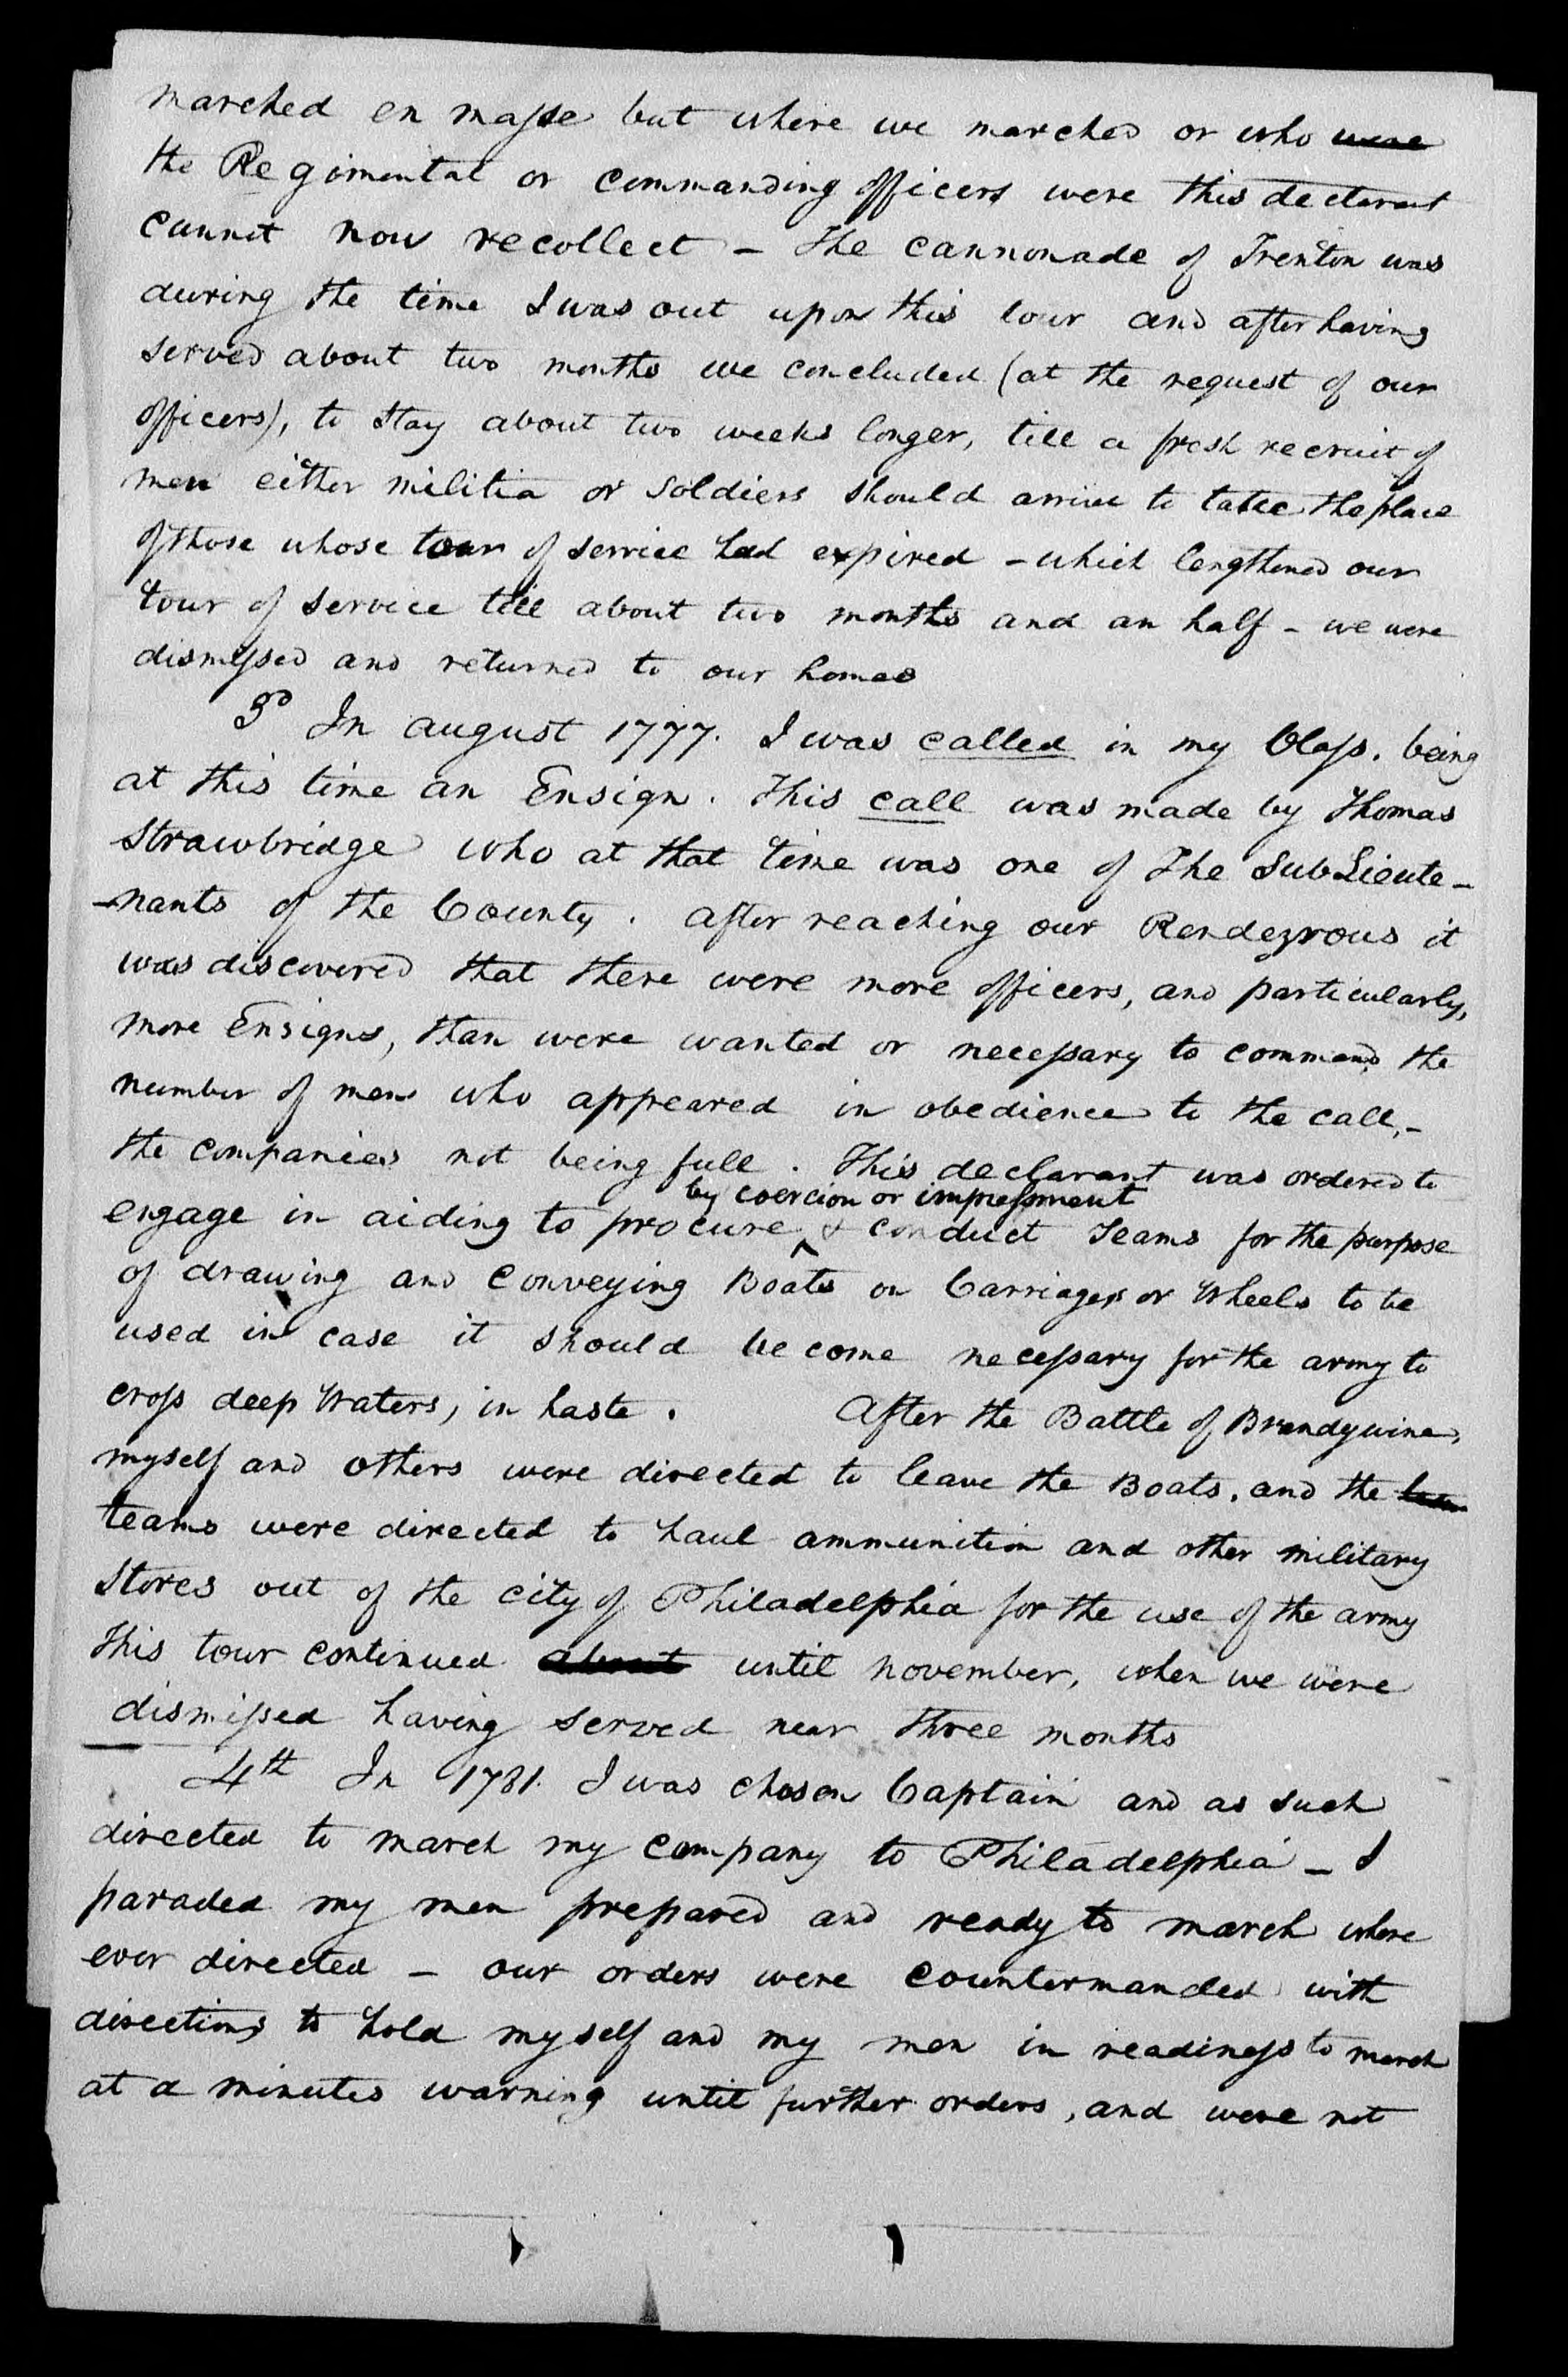marched on maybe but where we marched or who the Regimented or Commanding Officers were this declared cannot now recollect - the cannonade of Trenton was during the time I was out upon this tour and after having served about two months we concluded (at the request of our officers), to stay about two weeks longer, till a fresh recruit of men either militia or soldiers should arrive to take the place of those whose tour of service had expired - which lengthens our tour of service till about two months and an half - we were dismissed and returned to our homes.
3rd In August 1777.  I was called in my class being at this time an Ensign.  This call was made by Thomas Strawbridge who at that time was one of the SubLieutenants of the County.  After reaching our rendezvous it was discovered that there were more officers, and particularly, more Ensigns, than were wanted or necessary to command the number of men who appeared in obedience to the call, the companies not being full.  This declarant was ordered to engage in aiding to procure by coercion or inforcement and conduct teams for the purpose of drawing and conveying boats or carriages or wheels to be used in case it should become necessary for the army to cross deep waters, in haste.  After the Battle of Brandywine, myself and others were directed to leave the boats, and the teams were directed to haul ammunition and other military stores out the city of Philadelphia for the use of the army this tour continued until November, when we were dismissed having served near three months.
4th In 1781.  I was choosen Captain and as such directed to march my company to Philadelphia. I paraded my men prepared and ready to march where ever directed - our orders were countermanded with directions to hold myself and my men in readiness to march at a minutes warning until further orders, and were not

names: Thomas Strawbridge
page: 4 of 19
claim: survivor's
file: S. 12626, David Crosby, Penn.